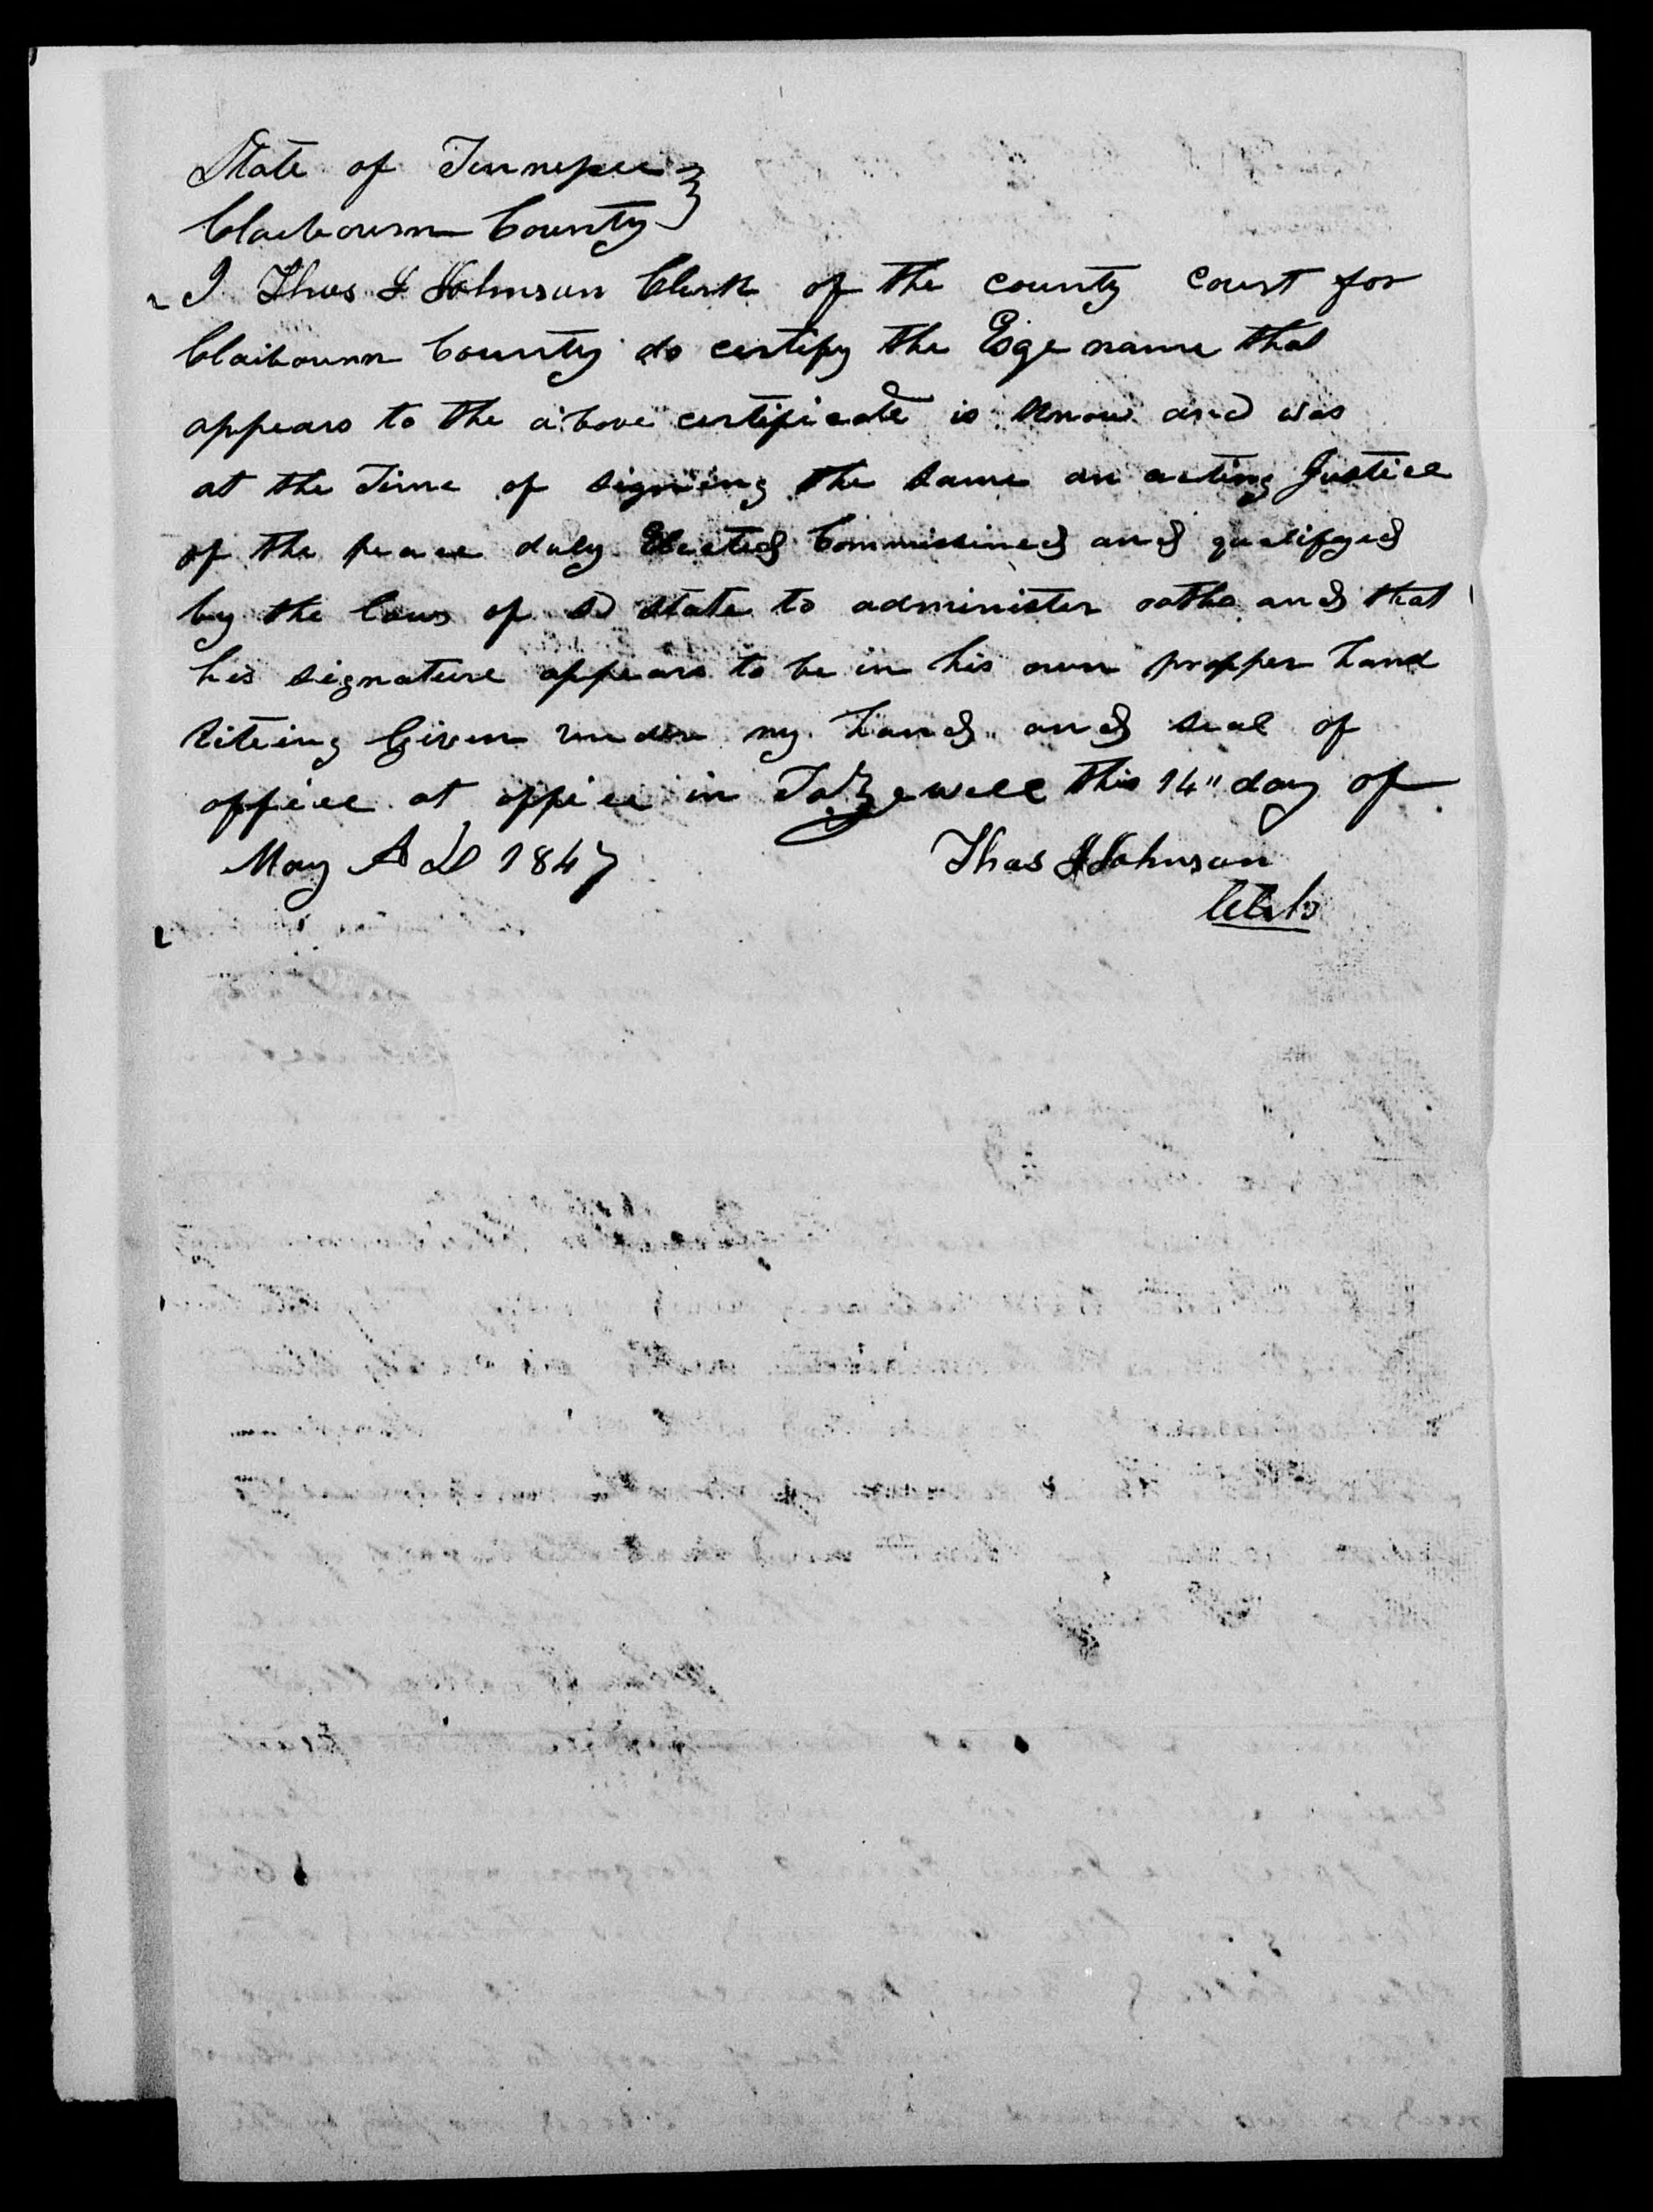State of Tennessee
Claiborne County
I Thos J Johnson Clerk of the County Court for
Claiborne County do certify the Esq name that
appears to the above certificate is know and was
at the time of signing the same an acting Justice
of the peace duly elected commissioned and qualified
by the laws of state to administer oath and that
his signature appears to be in his own proper hand
[illegible] Given under my hand and seal of
office at office in Tazewell This 14th day of
May A D 1847
Thos Johnson
Clerk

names: Thos J Johnson, Thos J Johnson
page: 59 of 81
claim: survivor's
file: S. 1908, Richard Harper, N.C.